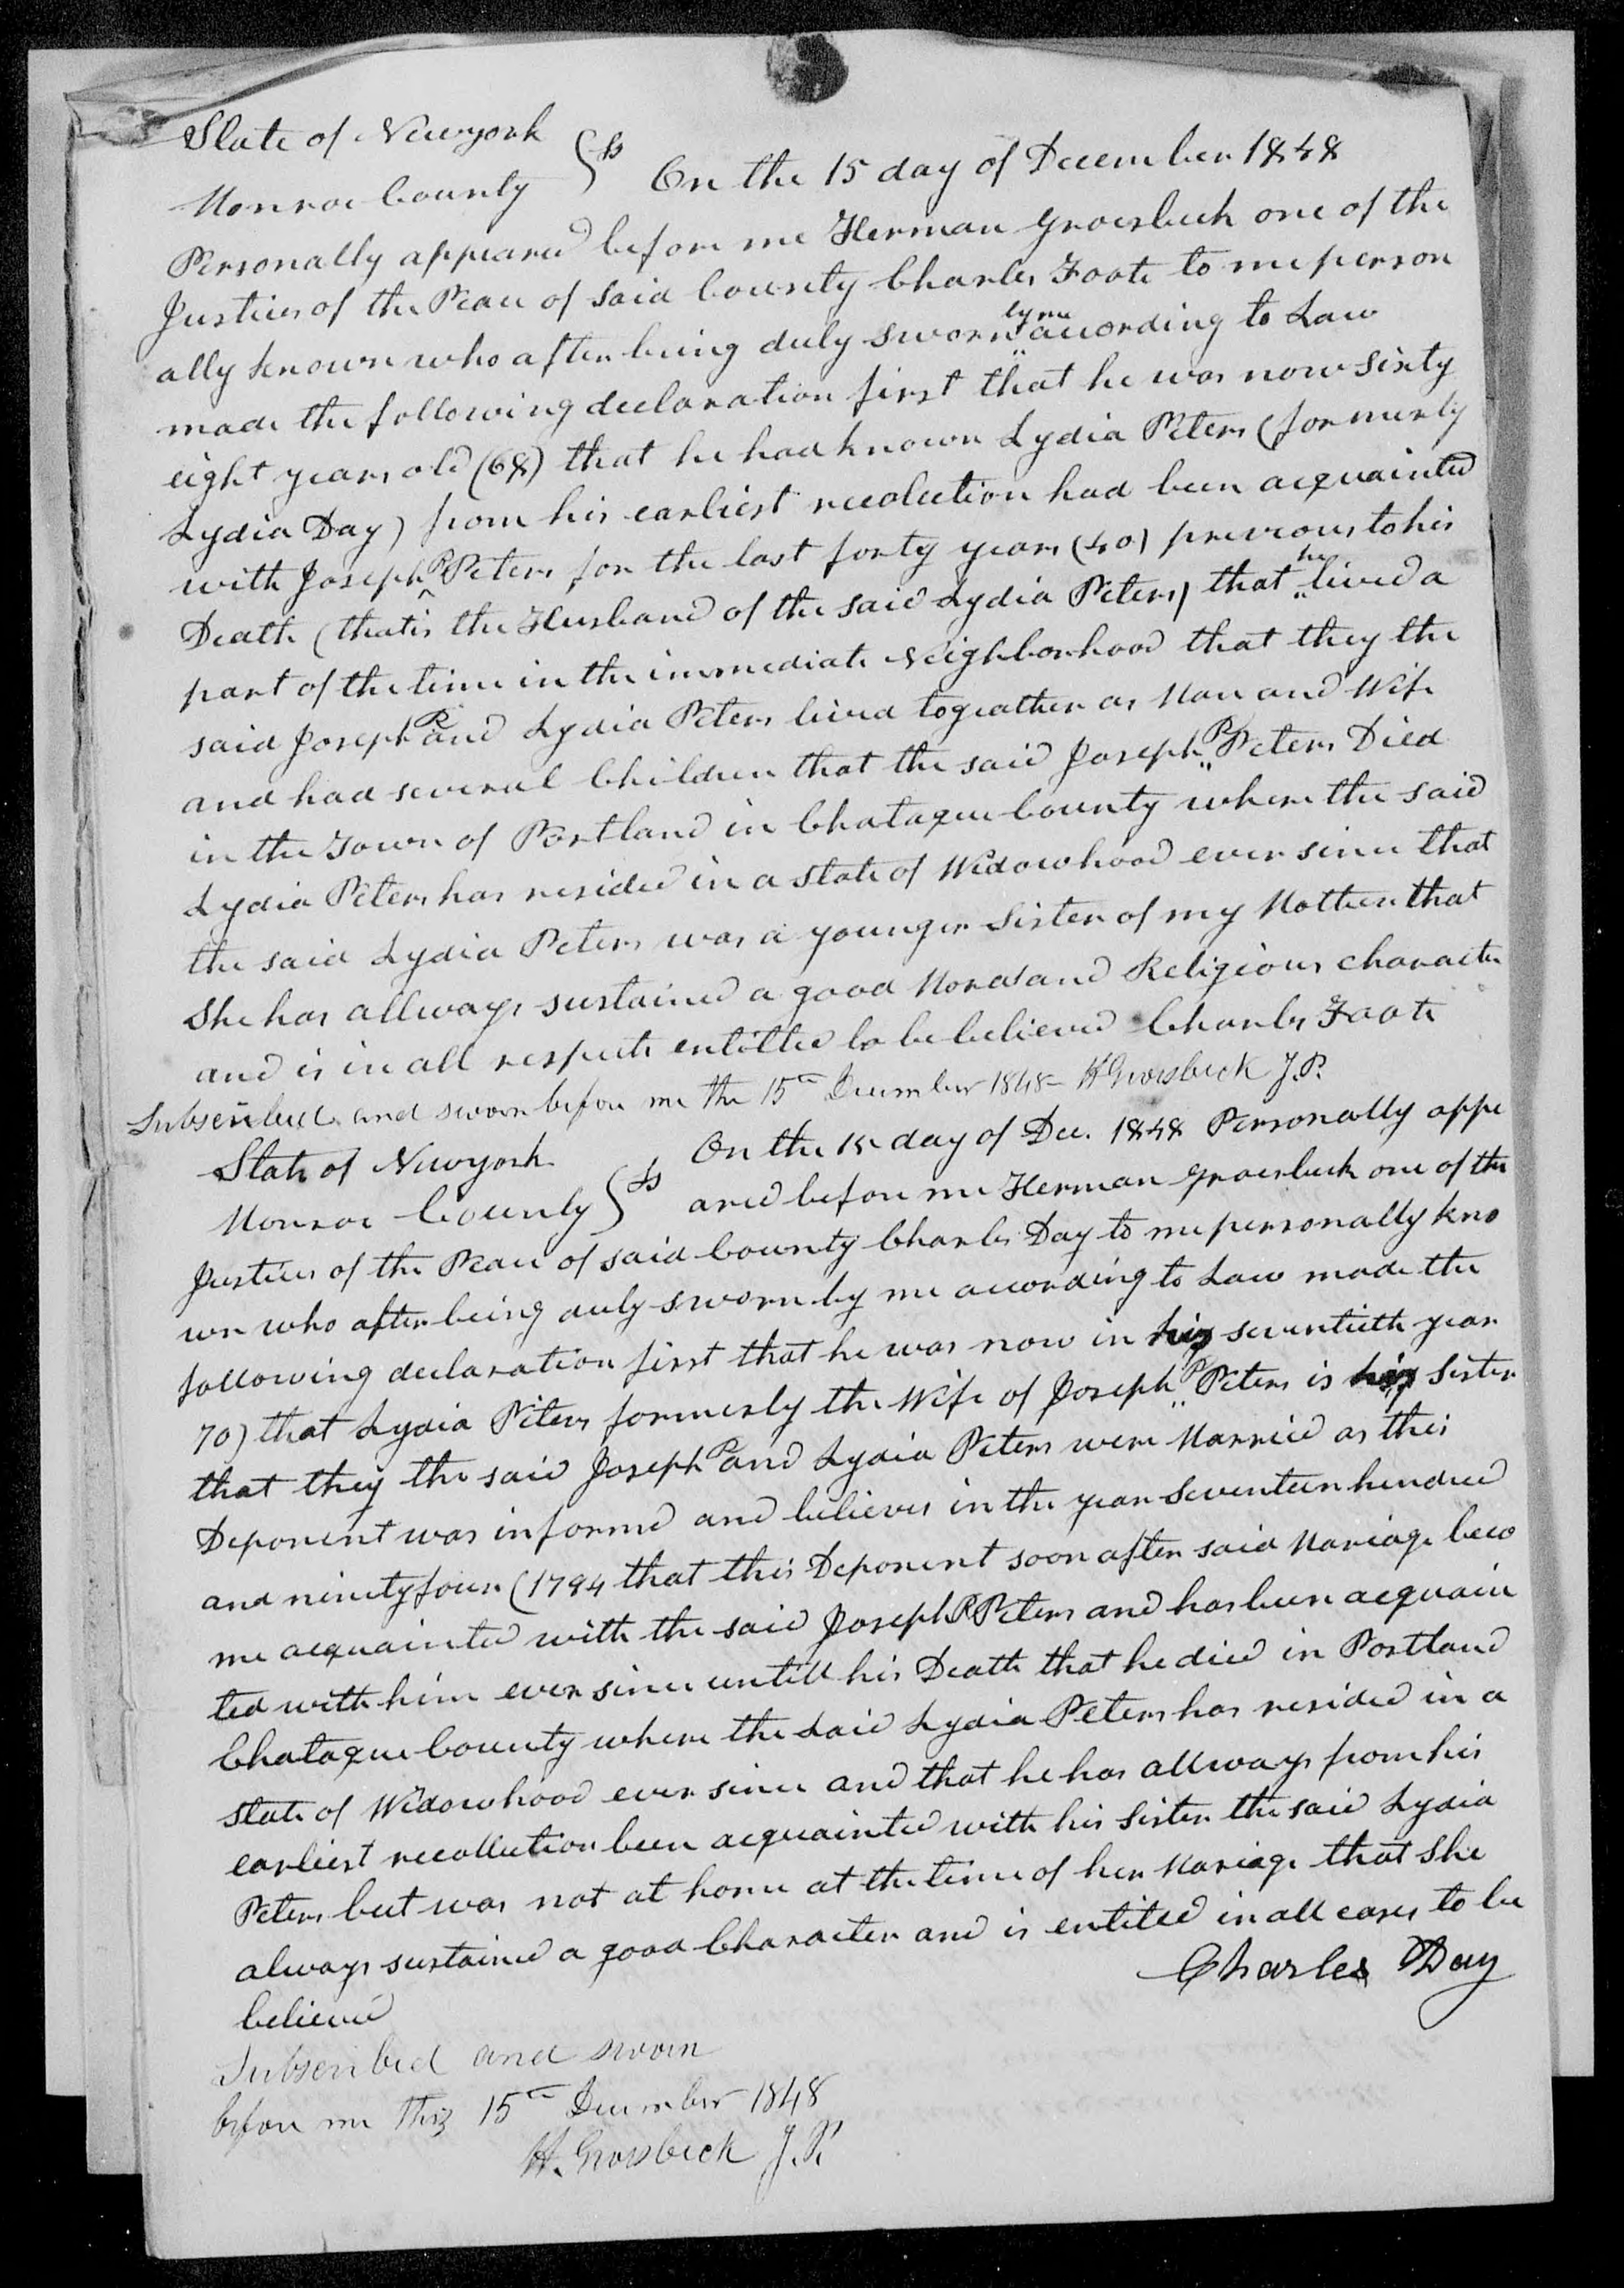State of New York 
Monroe County } ss On the 15 day of December 1848 Personally appeared before me Herman Groesbeck one of the Justices of the Peace of said County Charles Foote to me personally known who after being duly sworn according to Law made the following declaration first that he was now sixty eight years old (68) that he had known Lydia Peters formerly Lydia Day from his earliest recollection, had been acquainted with Joseph P. Peters for the last forty years (40) previous to his Death, that the Husband of the said Lydia Peters that he lived a part of the time in the immediate Neighborhood that they the said Joseph and Lydia Peters lived together as man and wife and had several children that the said Joseph Peter Died in the Town of Portland in Chautauqua County when the said Lydia Peter has resided in a State of Widdowhood ever since,  that the said Lydia Peter was a younger sister of my mother, that she has allways sustained a good [unreadable] and Religious character and is in all respects entitled to be believed.   
Charles Foote 
Subscribed and sworn before me the 15th December 1848  H Groesbeck J.P. 
State of New York 
Monroe County } ss On the 15 day of Dec. 1848 Personally appeared and before me Herman Groesbeck one of the Justice of the Peace of said County Charles Day to me personally known who after being duly sworn by me according to Law made the following declaration first that he was now in his seventieth year 70 that Lydia Peters formerly the wife of Joseph Peters is his Sister that they the said Joseph and Lydia Peter were Married as this Deponent was informed and believes in the year Seventeen hundred and ninety four (1794) that this Deponent soon after said having been me acquainted with the said Joseph Peters and has been acquainted with him ever since untill his death that he died in Portland Chautauqua County where the said Lydia Peters has resided in a State of Widowhood ever since and that he has allways from his earliest recollection been acquainted with his sister, the said Lydia Peters but was not at home at the time of her Marriage that she always sustained a good Character and is entitled in all cases to be believed.  
Charles Day  
Subscribed and sworn before me this 15th December 1848 
H. Groesbeck J.P.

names: Joseph P Peters; Herman Groesbeck; Charles Day; Charles Foote; Lydia Peters; Lydia Day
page: 57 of 73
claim: widow's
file: W. 2338, for Joseph P Peters, Connecticut